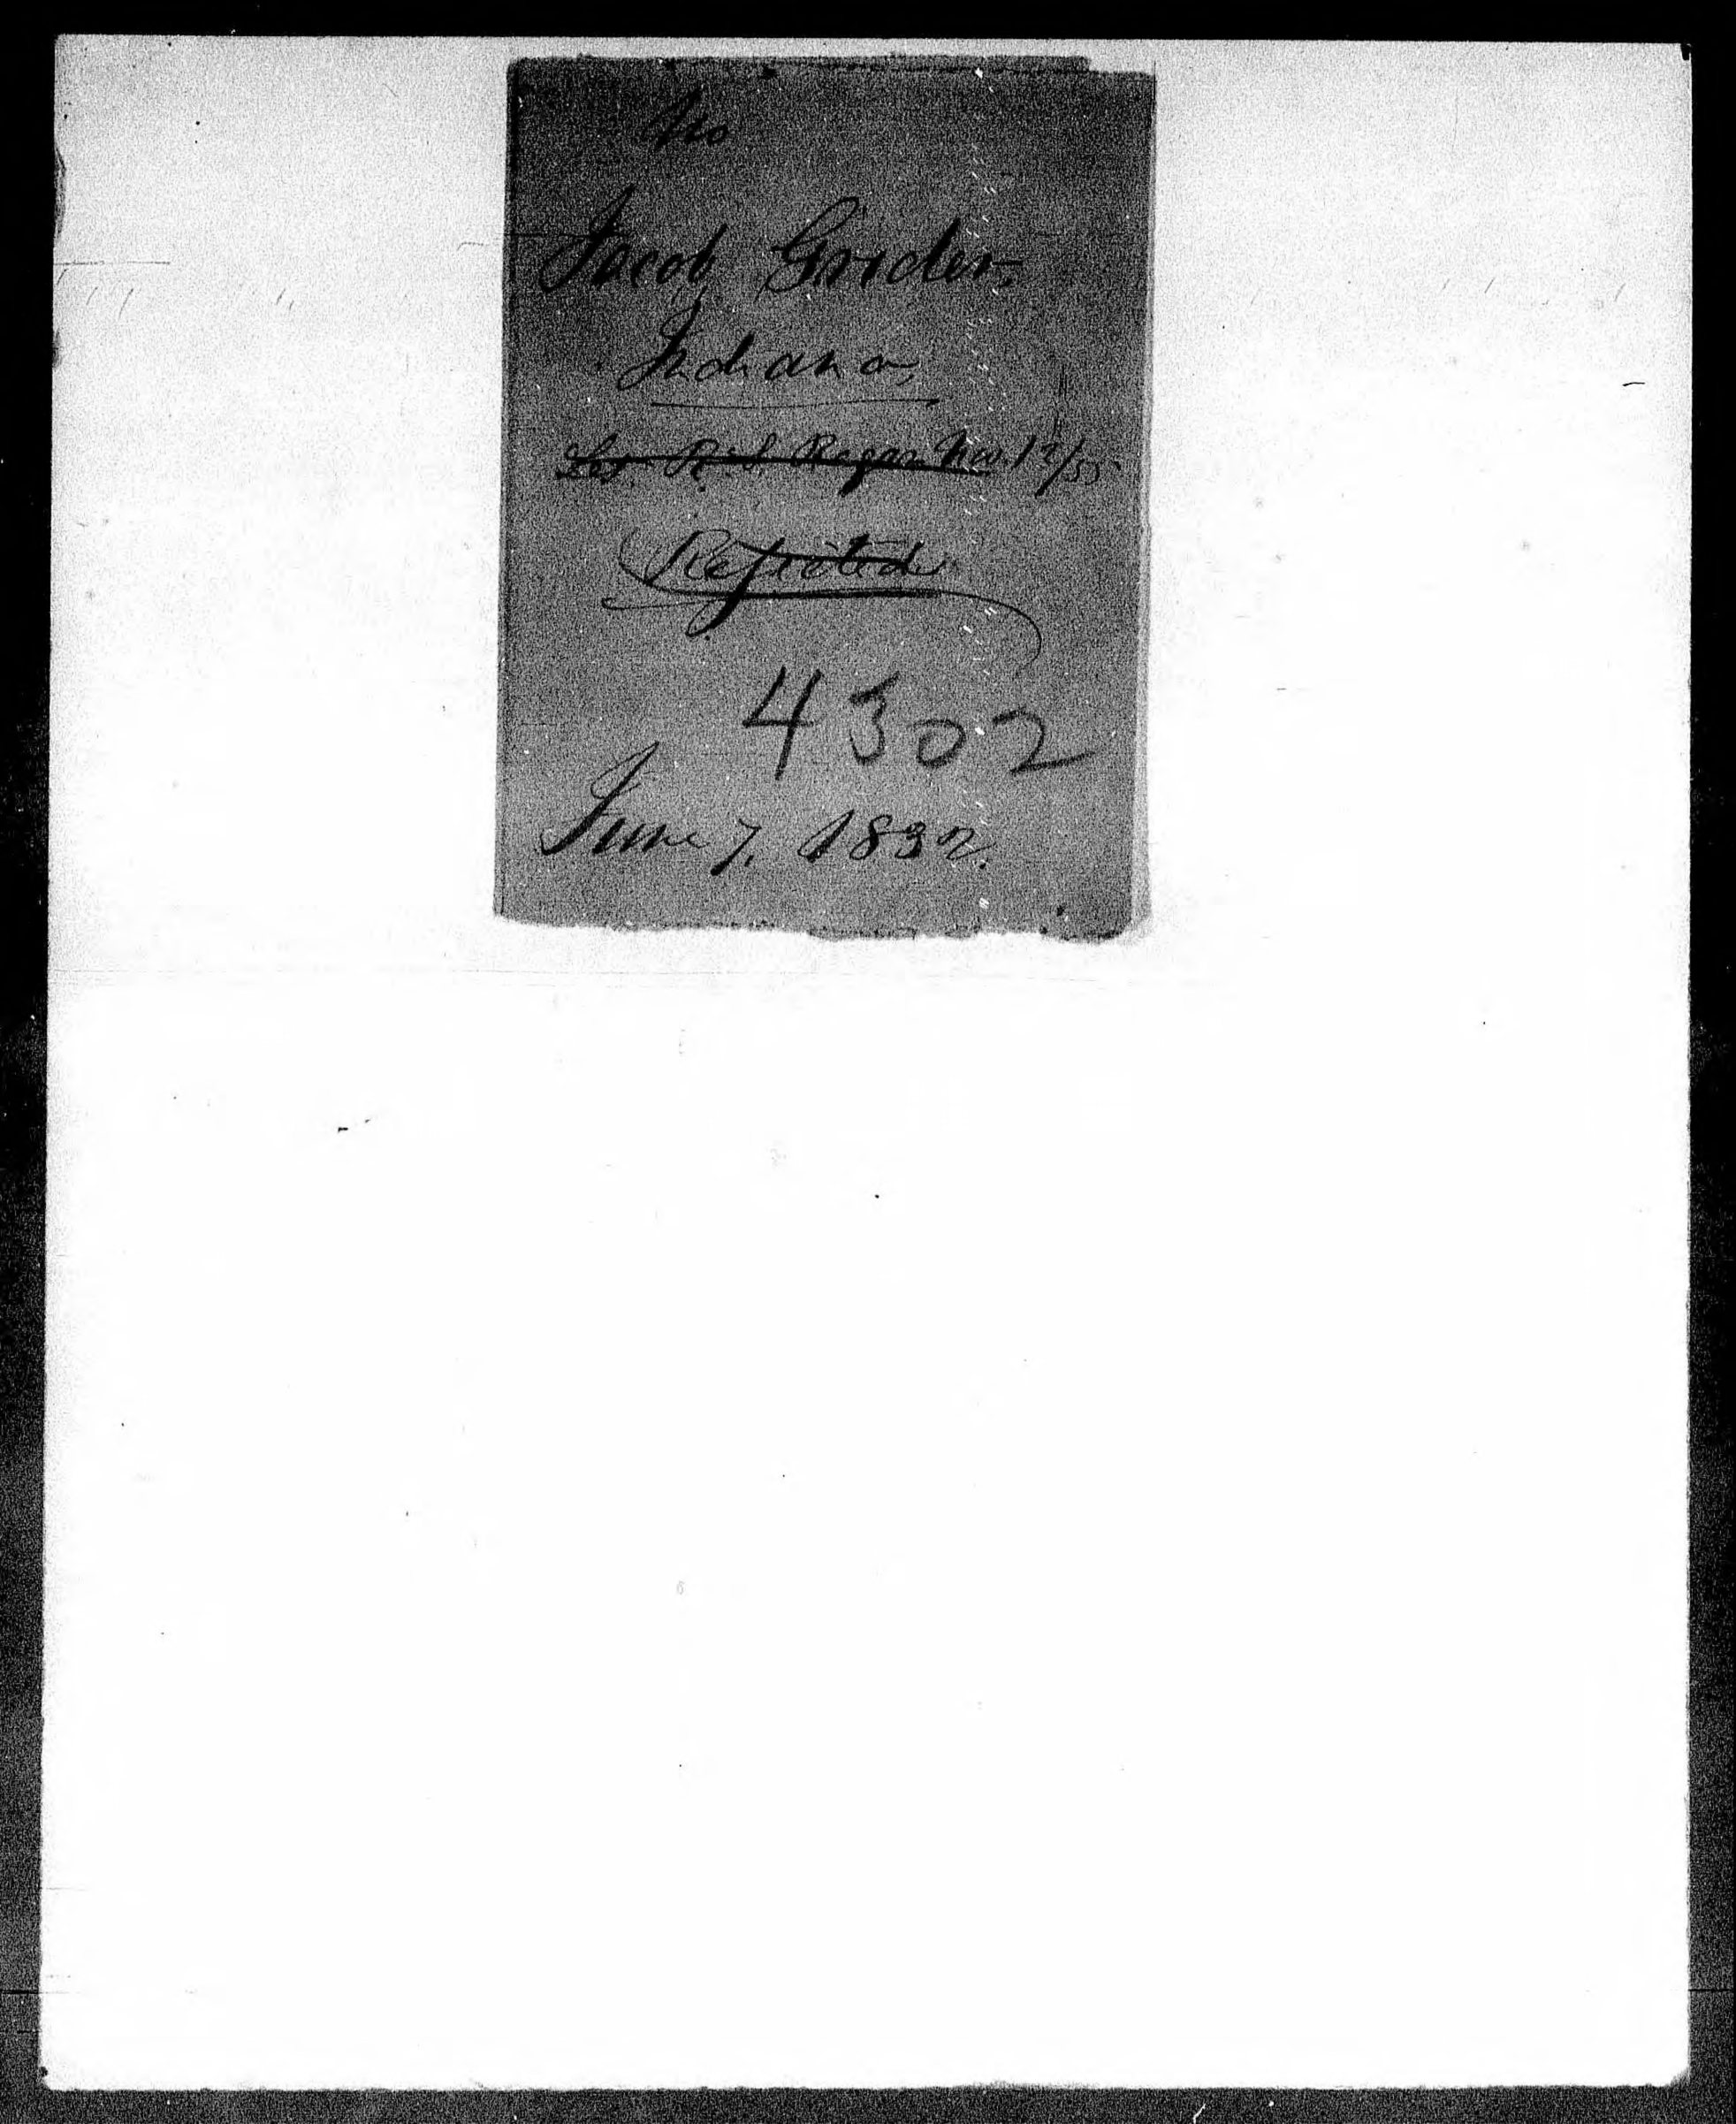[illegible]
Jacob Grider
Indiana [underlined]
[struck through: "Let R. S. Ragan Hw"] 12/55
Rejected [underlined]
4302
June 7, 1832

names: Jacob Grider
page: 2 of 10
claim: rejected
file: R. 4302, Jacob Grider, Va